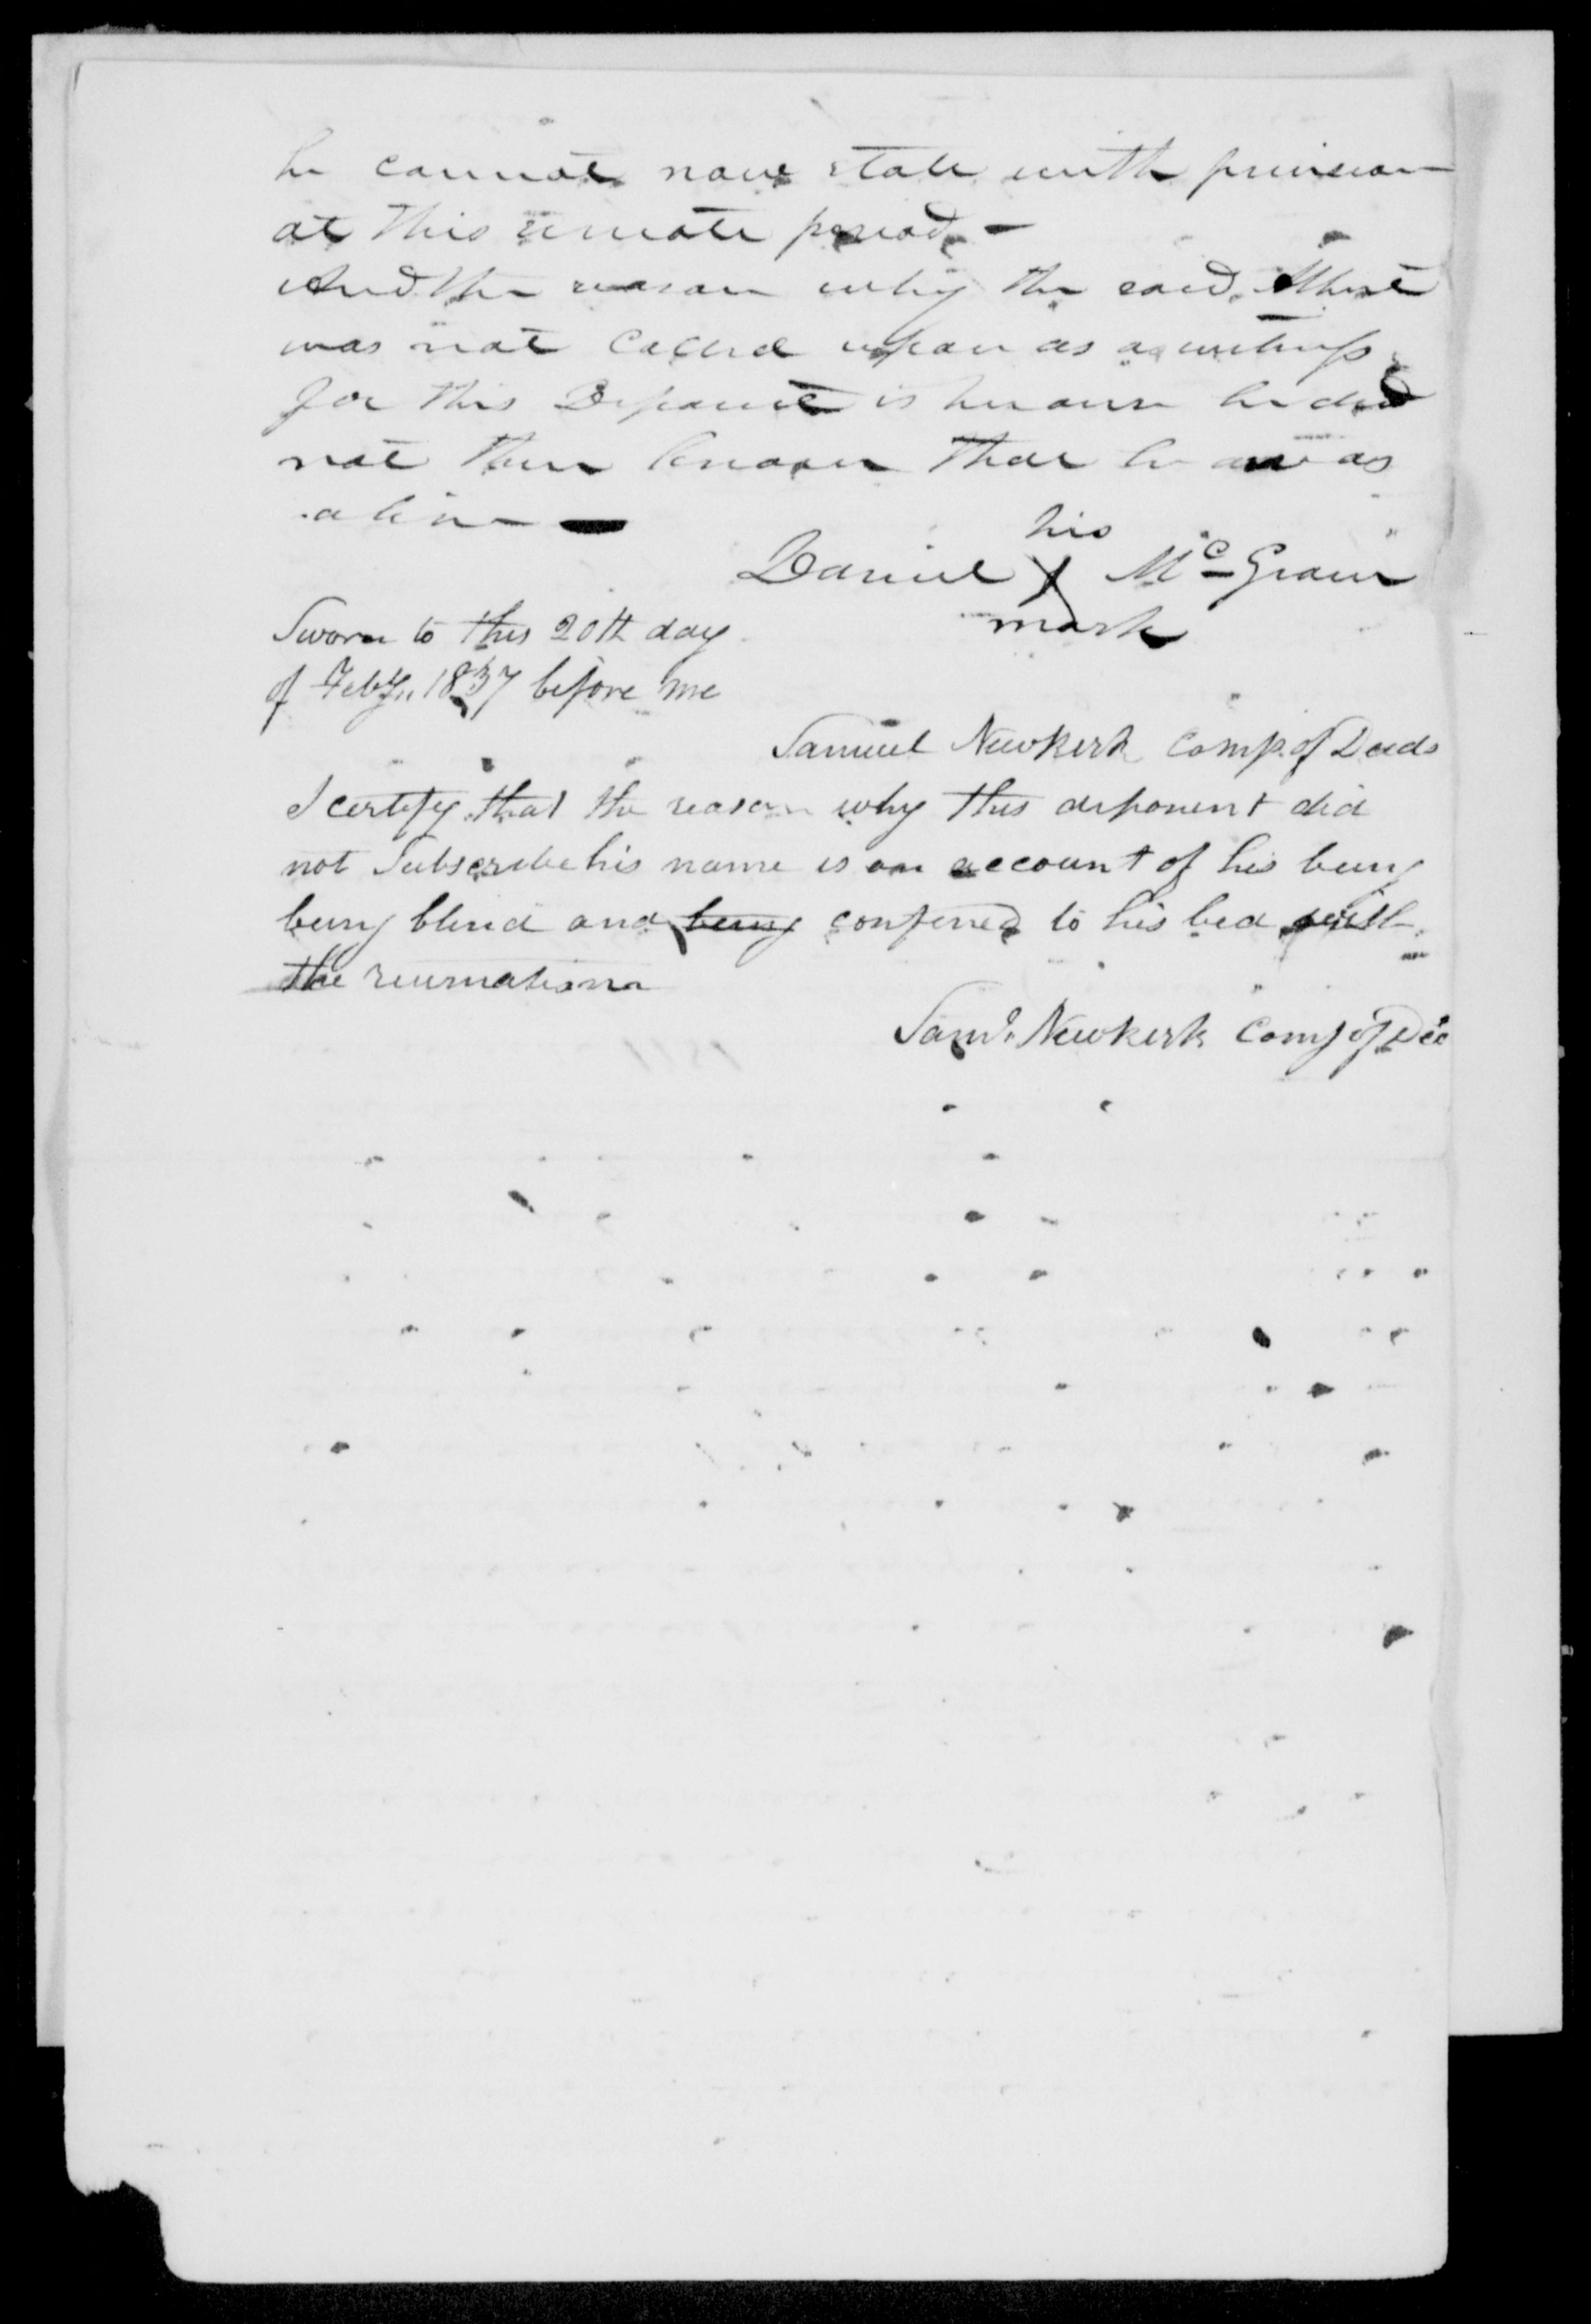he cannot now state with precision at this [illegible] period 
And the reason why the said Albert was not called upon as a witness for this Deponent is because he did not then know that he was as a [illegible]
[signed] Daniel McGraw X his mark
Sworn to this 20th day of Feby 1837 before me 
[signed] Samuel Newkirk Comss. of Deeds 

I certify that the reason why this deponent did not subscribe his name is on account of his being verry blind and confined to his bed with the reumatism
[signed] Saml. Newkirk comss of Deeds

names: Saml Newkirk, Samuel Newkirk, Albert, Daniel Mc Graw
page: 52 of 57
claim: survivor's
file: S. 28,925, Albert Van Housen, New York